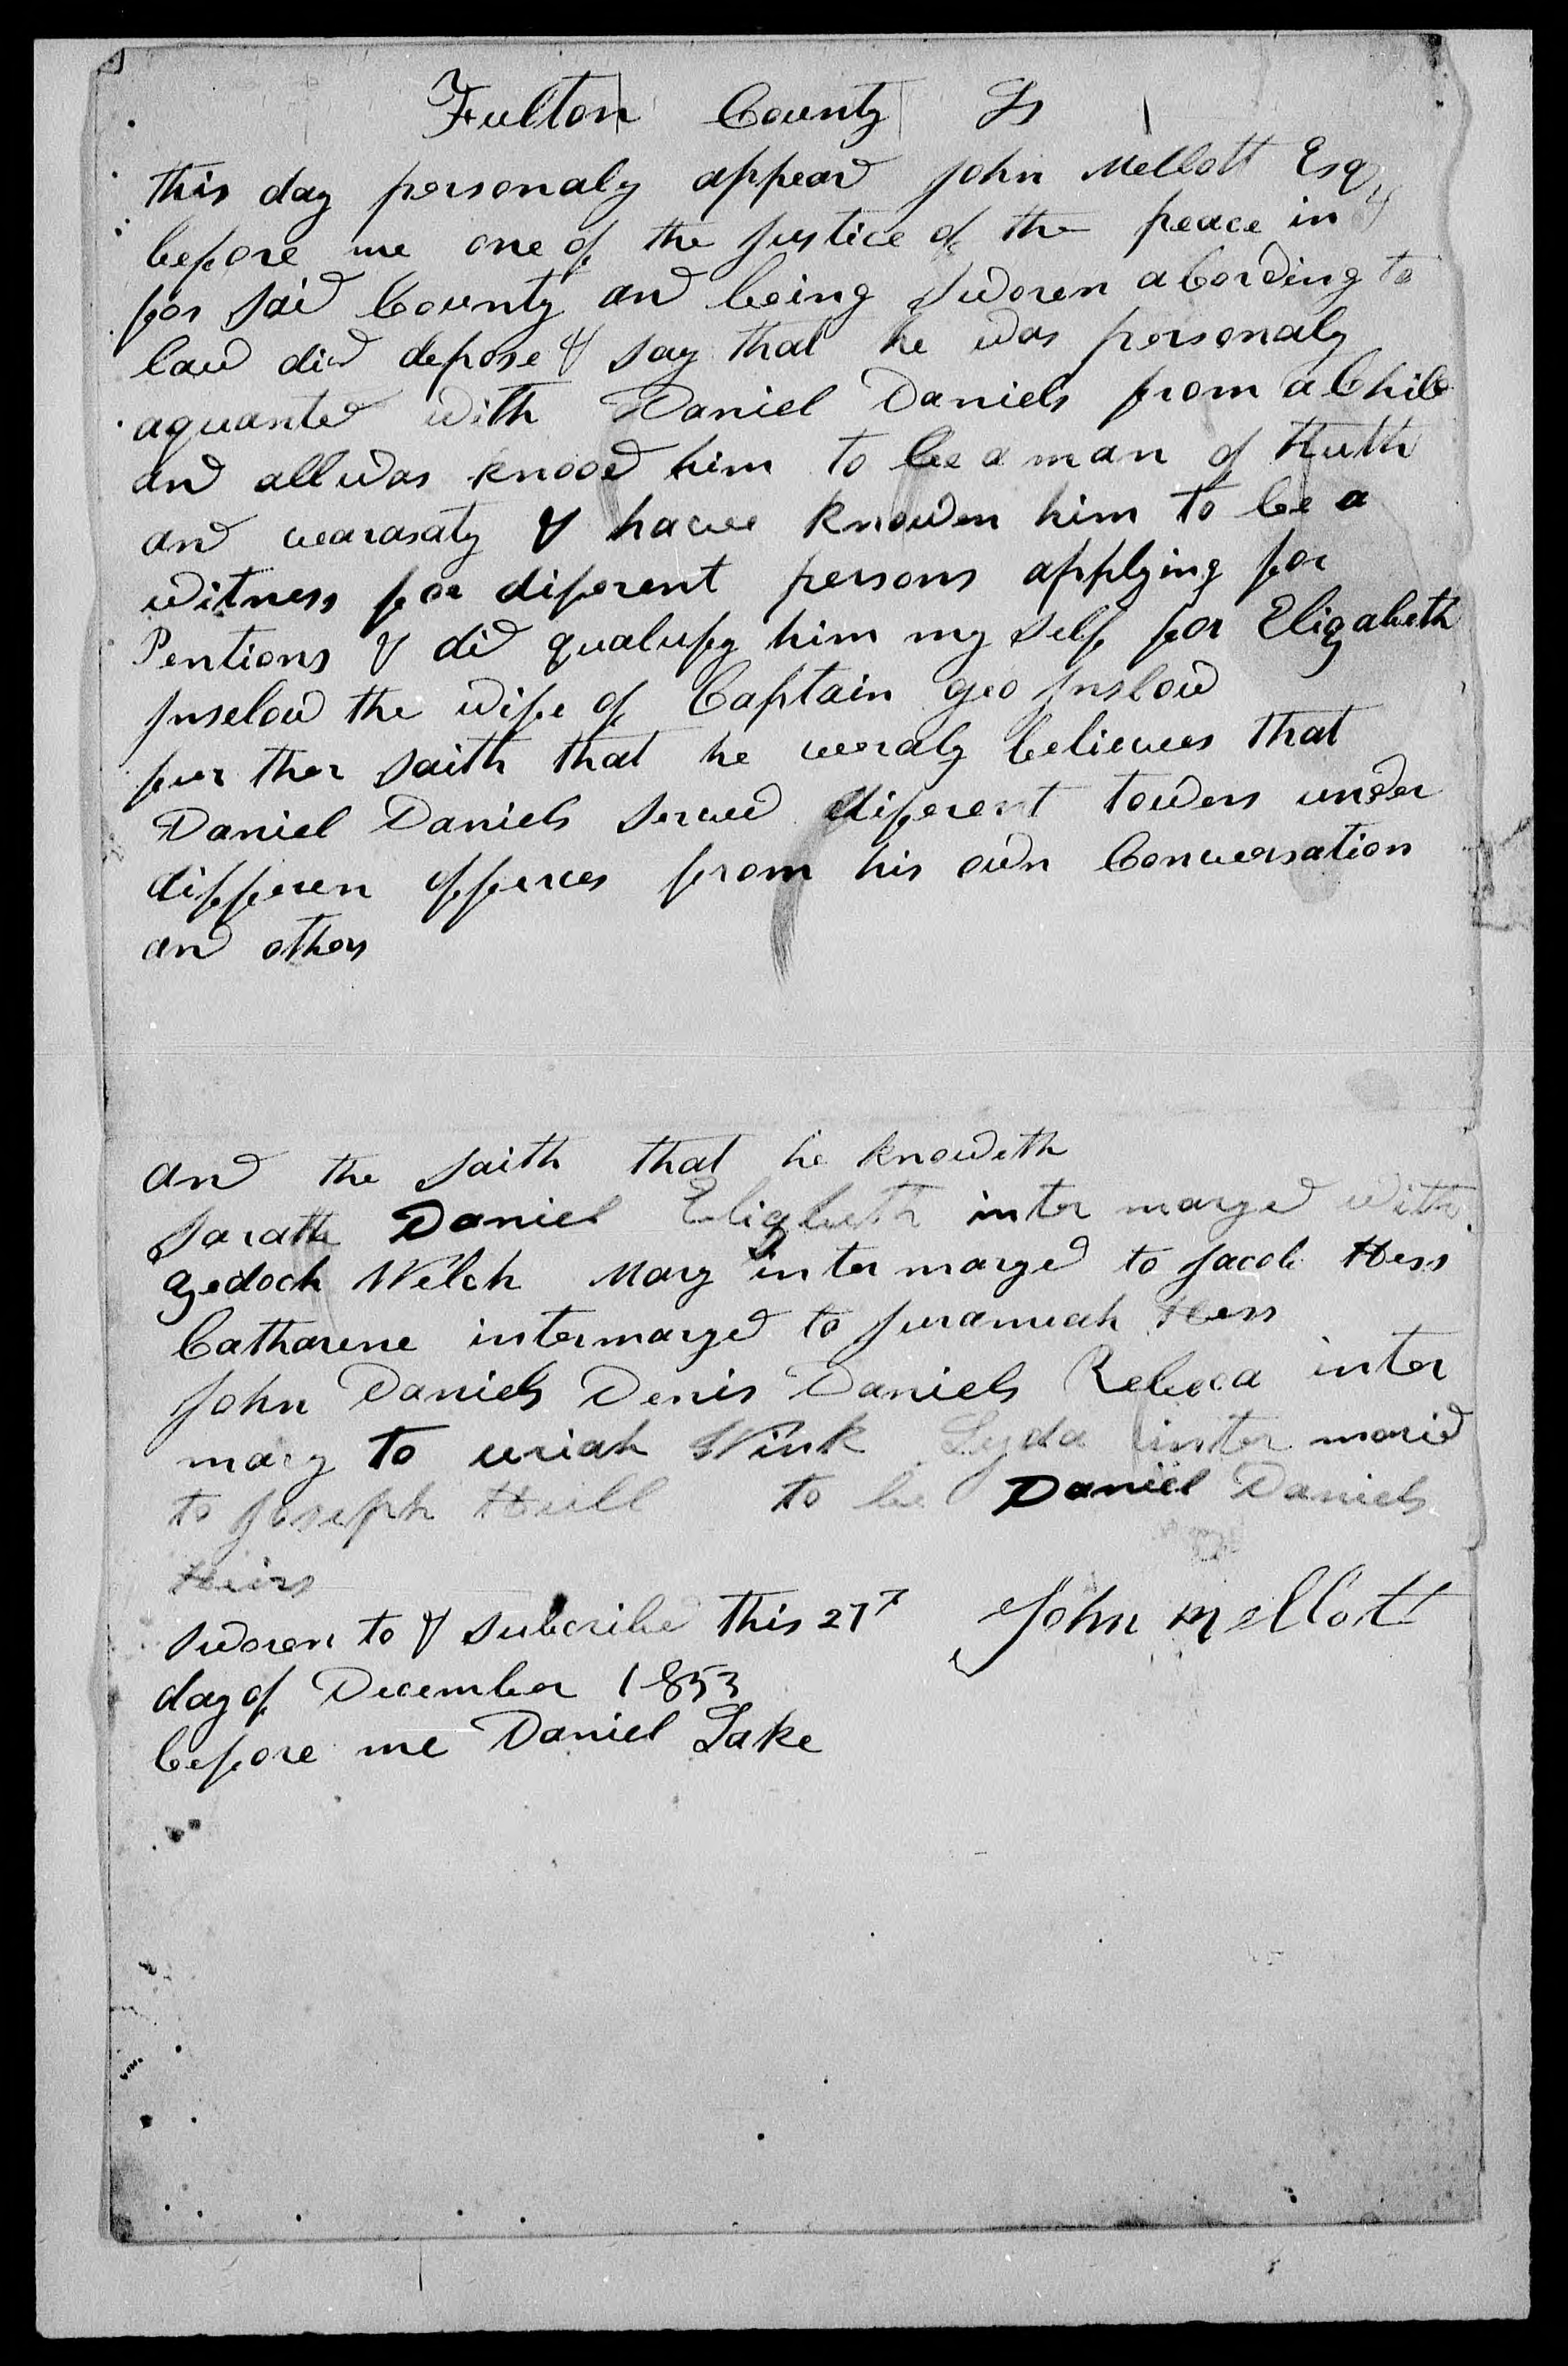Fulton County SS
This day personally appeard John Mellott Esq.
before me one of the Justice of the Peace in
for said County and being sworn acording to
law did depose & say that he was personaly
aquanted with Daniel Daniels from a Child
and allwas knood [always knew] him to be a man of truth
and waranaty & have known him to be a
witness for different persons applying for
Pentions & did qualify him my self for Elizabeth
Juselow the wife of Captain Geo Juslow
further saith that he verily believes that
Daniel Daniels Served diferent towers under
differen officer from his own conversation
and others

and the saith that he knoweth
Sarah Daniels Elizabeth intermaryed with
Zadock Welch Mary intermaryed to Jacob Hess
Catharene intermaryed to Jeremiah Hess
John Daniels Denis Daniels Rebeca intermary
to Uriah Wink Lyda intermaried 
Joseph Hull to be Daniel Daniels
heirs
John Mellott
Sworn to & subscribed this 27th
day of December 1853
before me Daniel Lake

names: John Mellott, Elizabeth, Daniel Lake, Jeremiah Hess, Denis Daniels, John Daniels, Rebecca, Daniel Daniels, Daniel, Mary, Catharine, Zadock Welch, Daniel Daniels, Daniel Daniels, Elizabeth Juselow, Geo Juslow, Uriah Wink, Mary, Sarah, Joseph Hull, Lyda, John Mellott, Jacob Hess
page: 21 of 35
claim: rejected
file: R. 2,650, Daniel Daniels, Penn.